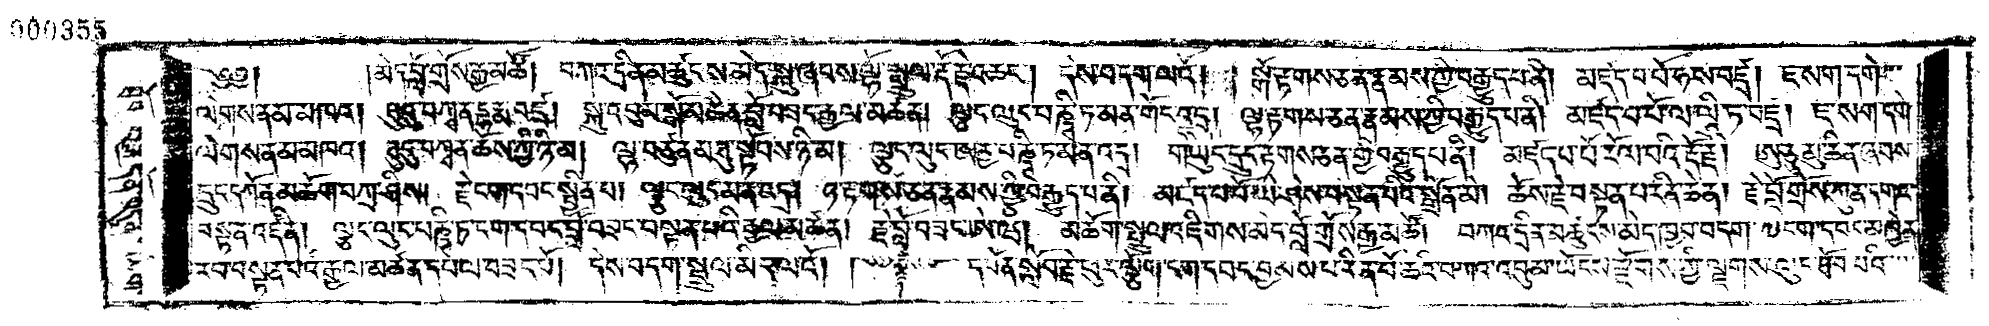༄༅། །མེད་བློ་གྲོས་རྒྱ་མཚོ། བཀའ་དྲིན་མཚུངས་མེད་སྐུ་ཞབས་ལྷོ་སྤྲུལ་རྡོ་རྗེ་འཆང་། དེས་བདག་ལའོ། །སྒོ་རྟགས་ཅན་རྣམས་ཀྱི་བརྒྱུད་པ་ནི། མཛད་པ་པོ་ཧས་བཛྲ། ཇ་སག་དགེ་
ལེགས་ནམ་མཁའ། ཐུའུ་བཀྭན་དྷརྨ་བཛྲ། སྐུ་འབུམ་སྒོམ་ཆེན་བློ་བཟང་རྒྱལ་མཚན། ལྕང་ལུང་པཎྜི་ཏ་མན་གོང་དང་འདྲ། ལྷ་རྟགས་ཅན་རྣམས་ཀྱི་བརྒྱུད་པ་ནི། མཛད་པ་པོ་ལ་ལཱི་ཏ་བཛྲ། ཇ་སག་དགེ་
ལེགས་ནམ་མཁའ། ཐུའུ་བཀྭན་ཆོས་ཀྱི་ཉི་མ། ལྷ་བཙུན་མཐུ་སྟོབས་ཉི་མ། ལྕང་ལུང་ཨརྱ་པཎྚི་ཏ་མན་འདྲ། གཡུང་དྲུང་རྟགས་ཅན་གྱི་བརྒྱུད་པ་ནི། མཛད་པ་པོ་རོལ་བའི་རྡོ་རྗེ། ཨུ་ཅུ་མུ་ཆིན་ཞབས་
དྲུང་དཀོན་མཆོག་བཀྲ་ཤིས། རྗེ་ངག་དབང་སྦྱིན་པ། ལྕང་ལུང་མན་འདྲ། ཉ་རྟགས་ཅན་རྣམས་ཀྱི་བརྒྱུད་པ་ནི། མཛད་པ་པོ་ཡེ་ཤེས་བསྟན་པའི་སྒྲོན་མེ། ཆོས་རྗེ་བསྟན་པ་རིན་ཆེན། རྗེ་བློ་གྲོས་ཀུན་དགའ་
བསྟན་འཛིན། ལྕང་ལུང་པཎྜི་ཏ་ངག་དབང་བློ་བཟང་བསྟན་པའི་རྒྱལ་མཚན། རྗེ་བློ་བཟང་ཨེ་ཝ། མཆོག་སྤྲུལ་འཇིགས་མེད་བློ་གྲོས་རྒྱ་མཚོ། བཀའ་དྲིན་མཚུངས་མེད་ཁྱབ་བདག ༧་ངག་དབང་མཁྱེན་
རབ་བསྟན་པའི་རྒྱལ་མཚན་དཔལ་བཟང་པོ། དེས་བདག་སྤྲུལ་མིང་ལའོ། །༈ དཔོན་སློབ་རྗེ་ཕུར་ལྕོག་ངག་དབང་བྱམས་པ་རི་ཆ་པོ་ཆེའི་བཀའ་འབུམ་ཡོངས་རྫོགས་ཀྱི་ལྗགས་ལུང་ཐོབ་པའི་